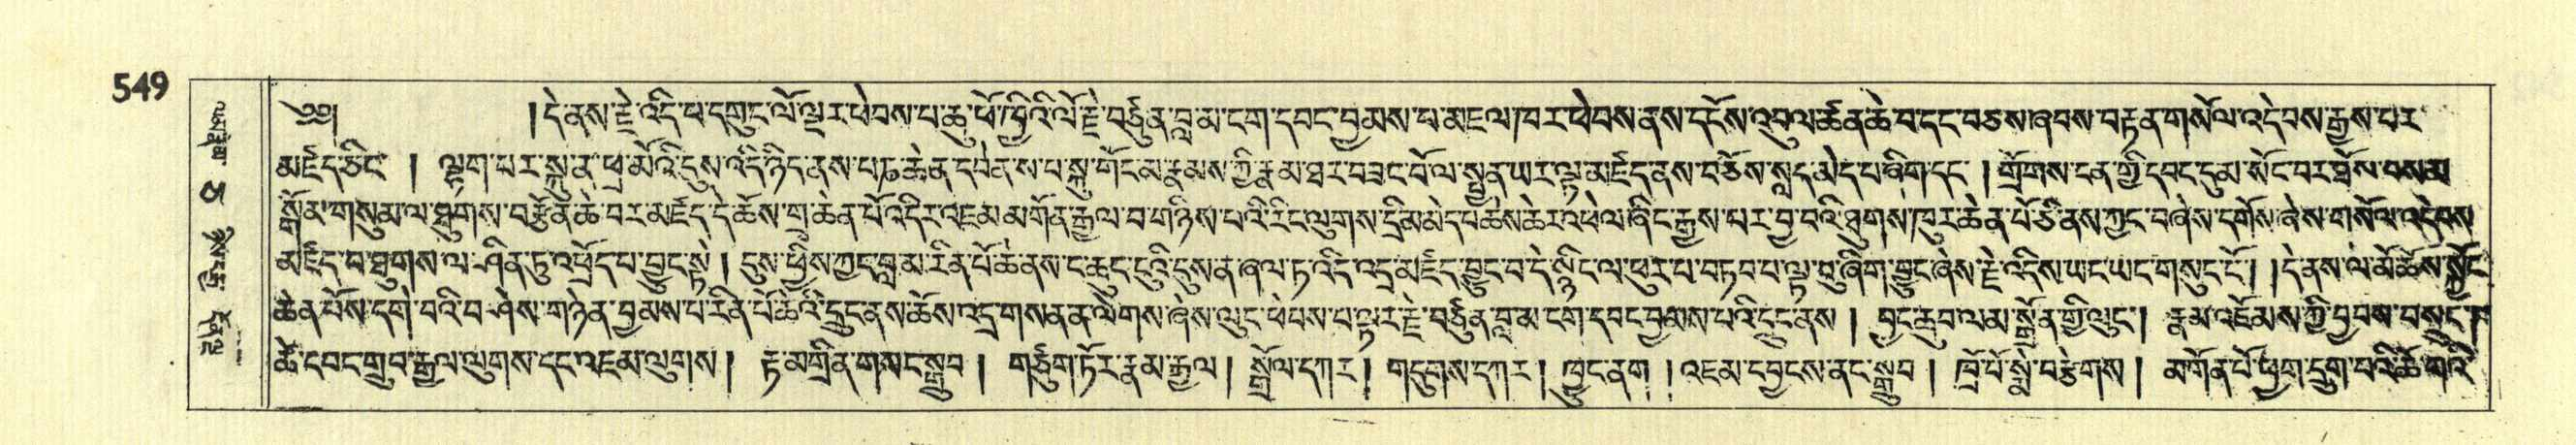༄༅། །དེ་ནས་རྗེ་འདི་པ་དགུང་ལོ་ལྔར་ཕེབས་པ་ཆུ་ཕོ་ཁྱིའི་ལོ་རྗེ་བཙུན་བླ་མ་ངག་དབང་བྱམས་པ་མཇལ་ཁར་ཕེབས་ནས་དངོས་འབུལ་ཚན་ཆེ་བ་དང་བཅས་ཞབས་བརྟན་གསོལ་འདེབས་རྒྱས་པར་
མཛད་ཅིང་། ལྷག་པར་སྐུ་ན་ཕྲ་མོའི་དུས་འདི་ཉིད་ནས་པཎ་ཆེན་དབེན་ས་པ་སྐུ་གོང་མ་རྣམས་ཀྱི་རྣམ་ཐར་བཟང་བོ་ལ་སྤྱན་ཡར་ལྟ་མཛད་ནས་བཅོས་སླད་མེད་པ་ཞིག་དང་། གྲོགས་ངན་གྱི་དབང་དུ་མ་སོང་བར་ཐོས་བསམ་
སྒོམ་གསུམ་ལ་ཐུགས་བརྩོན་ཆེ་བར་མཛད་དེ་ཆོས་གྲྭ་ཆེན་པོ་འདིར་འཇམ་མགོན་རྒྱལ་བ་གཉིས་པའི་རིང་ལུགས་དྲི་མ་མེད་པ་ཆེས་ཆེར་འཕེལ་ཞིང་རྒྱས་པར་བྱ་བའི་ཐུགས་ཁུར་ཆེན་པོ་ཅི་ནས་ཀྱང་བཞེས་དགོས་ཞེས་གསོལ་འདེབས་
མཛད་བ་ཐུགས་ལ་ཤིན་ཏུ་འཕྲོད་པ་བྱུང་སྟེ། དུས་ཕྱིས་ཀྱང་བླ་མ་རིན་པོ་ཆེ་ནས་ང་ཆུང་ངུའི་དུས་ན་ཞལ་ཏ་འདི་འདྲ་མཛད་བྱུང་བ་དེ་སྙིང་ལ་ཕུར་པ་བཏབ་པ་ལྟ་བུ་ཞིག་བྱུང་ཞེས་རྗེ་འདིས་ཡང་ཡང་གསུང་ངོ། །དེ་ནས་ལ་མོ་ཆོས་སྐྱོང་
ཆེན་པོས་དགེ་པའི་བཤེས་གཉེན་བྱམས་པ་རིན་པོ་ཆེའི་དྲུང་ནས་ཆོས་འདྲ་གསན་ན་ལེགས་ཞེས་ལུང་ཕེབས་པ་ལྟར་རྗེ་བཙུན་བླ་མ་ངག་དབང་བྱམས་པའི་དྲུང་ནས། བྱང་ཆུབ་ལམ་སྒྲོན་གྱི་ལུང་། རྣམ་འཇོམས་ཀྱི་བྱབས་བསྲུང་།
ཚེ་དབང་གྲུབ་རྒྱལ་ལུགས་དང་འཇམ་ལུགས། རྟ་མགྲིན་གསང་སྒྲུབ། གཙུག་ཏོར་རྣམ་རྒྱལ། སྒྲོལ་དཀར། གདུགས་དཀར། ཁྱུང་ནག །འཇམ་དབྱངས་ནང་སྒྲུབ། ཁྲོ་བོ་སྨེ་བརྩེགས། མགོན་པོ་ཕྱག་དྲུག་པའི་ཆོ་གའི་